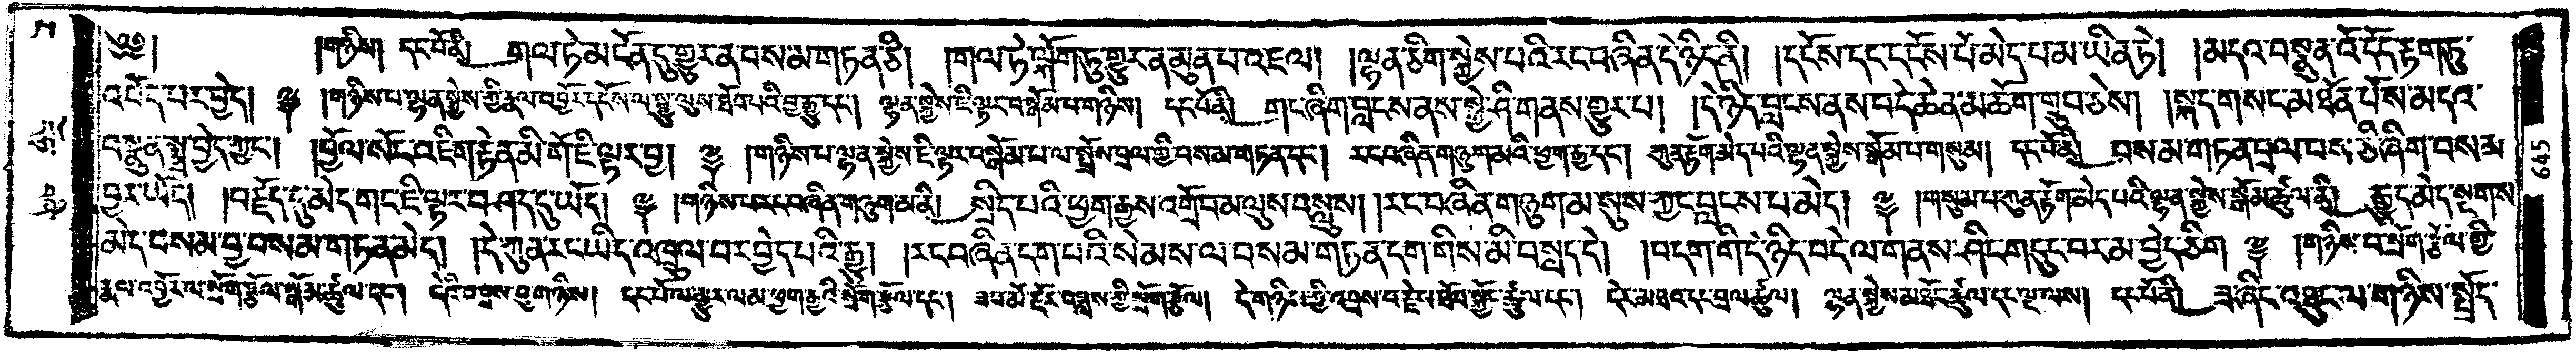༄༅། །གཉིས། དང་པོ་ནི། གལ་ཏེ་མངོན་དུ་གྱུར་ན་བསམ་གཏན་ཅི། །གལ་ཏེ་ལྐོག་ཏུ་གྱུར་ན་མུན་པ་འཇལ། །ལྷན་ཅིག་སྐྱེས་པའི་རང་བཞིན་དེ་ཉིད་ནི། །དངོས་དང་དངོས་པོ་མེད་པ་མ་ཡིན་ཏེ། །མདའ་བསྣུན་འོ་དོད་རྟག་ཏུ་
འབོད་པར་བྱེད། ༈ །གཉིས་པ་ལྷན་སྐྱེས་ཀྱི་རྣལ་འབྱོར་དངོས་ལ་སྒྱུ་ལུས་ཐོབ་པའི་བྱ་རྒྱུ་དང་། ལྷན་སྐྱེས་ཇི་ལྟར་བསྒོམ་པ་གཉིས། དང་པོ་ནི། གང་ཞིག་བླངས་ནས་སྐྱེ་ཤི་གནས་གྱུར་པ། །དེ་ཉིད་བླངས་ནས་བདེ་ཆེན་མཆོག་གྲུབ་ཅེས། །སྐད་གསང་མཐོན་པོས་མདའ་
བསྣུན་སྨྲ་བྱེད་ཀྱང་། །བྱོལ་སོང་འཇིག་རྟེན་མི་གོ་ཇི་ལྟར་བྱ། ༈ །གཉིས་པ་ལྷན་སྐྱེས་ཇི་ལྟར་བསྒོམ་པ་ལ་སྤྲོས་བྲལ་གྱི་བསམ་གཏན་དང་། རང་བཞིན་གཉུག་མའི་ཕྱག་རྒྱ་དང་། ཀུན་རྟོག་མེད་པའི་ལྷན་སྐྱེས་སྒོམ་པ་གསུམ། དང་པོ་ནི། བསམ་གཏན་བྲལ་བས་ཅི་ཞིག་བསམ་
བྱར་ཡོད། །བརྗོད་དུ་མེད་གང་ཇི་ལྟར་བཤད་དུ་ཡོད། ༈ །གཉིས་པ་རང་བཞིན་གཉུག་མ་ནི། སྲིད་པའི་ཕྱག་རྒྱས་འགྲོ་བ་མ་ལུས་བསླུས། །རང་བཞིན་གཉུག་མ་སུས་ཀྱང་བླངས་པ་མེད། ༈ །གསུམ་པ་ཀུན་རྟོག་མེད་པའི་ལྷན་སྐྱེས་སྒོམ་ཚུལ་ནི། རྒྱུད་མེད་སྔགས་
མེད་བསམ་བྱ་བསམ་གཏན་མེད། །དེ་ཀུན་རང་ཡིད་འཁྲུལ་བར་བྱེད་པའི་རྒྱུ། །རང་བཞིན་དག་པའི་སེམས་ལ་བསམ་གཏན་དག་གིས་མི་བསླད་དེ། །བདག་གི་དེ་ཉིད་བདེ་ལ་གནས་ཤིང་གདུང་བར་མ་བྱེད་ཅིག ༈ །གཉིས་པ་སྲོག་རྩོལ་གྱི་
རྣལ་འབྱོར་ལ་སྲོག་རྩོལ་སྒོམ་ཚུལ་དང་། དེའི་འབྲས་བུ་གཉིས། དང་པོ་ལ་མྱུར་ལམ་ཕྱག་རྒྱའི་སྲོག་རྩོལ་དང་། ཟབ་མོ་རྡོར་བཟླས་ཀྱི་སྲོག་རྩོལ། དེ་གཉིས་ཀྱི་འབྲས་བུ་རྗེས་ཐོབ་སྐྱོང་ཚུལ་དང་། དེར་མཐར་དང་ཐལ་ཚུལ། ལྷན་སྐྱེས་མཐོང་ཚུལ་དང་ལྔ་ལས། དང་པོ་ནི། ཟ་ཞིང་ལུངས་ལ་གཉིས་སྤྲད་